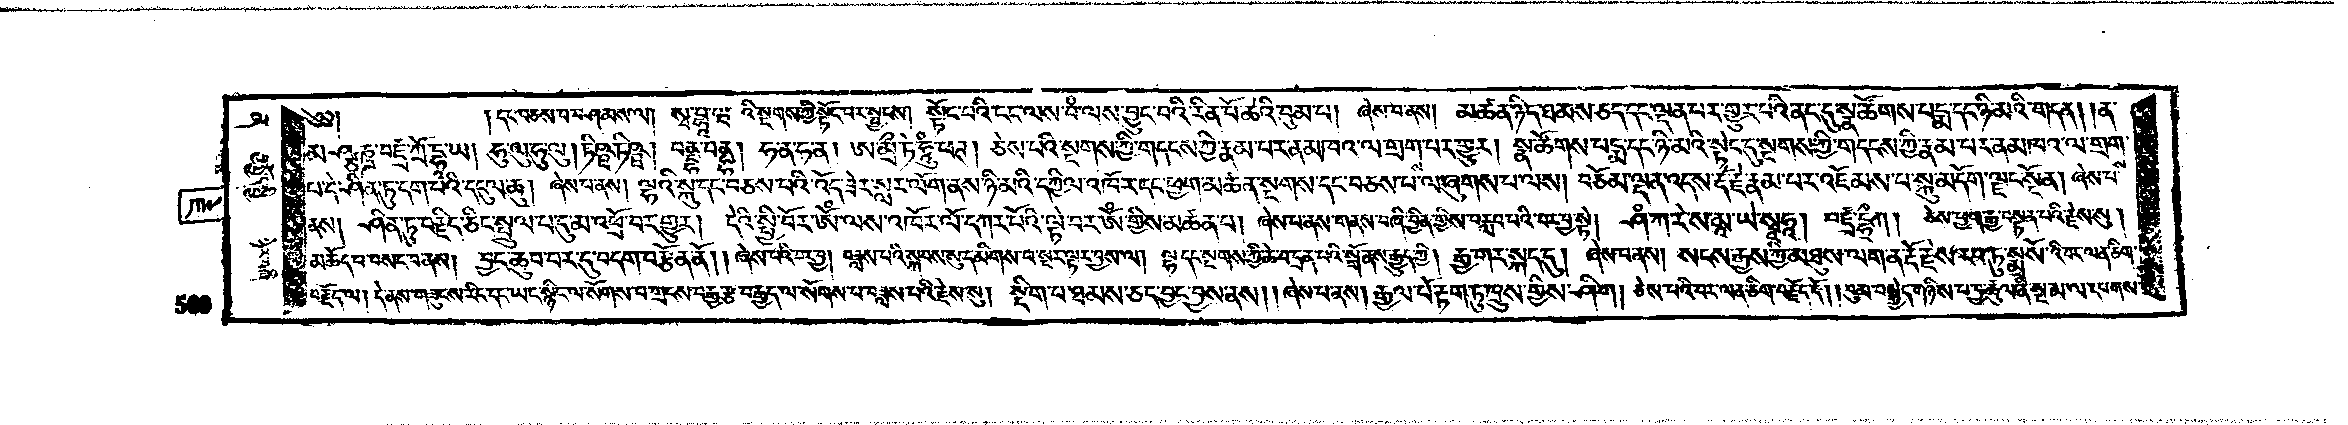༄༅། །དང་བཅས་པ་བཤམས་ལ། སྭ་བྷཱ་ཝ་འི་སྔགས་ཀྱི་སྟོང་པར་སྦྱངས།  སྟོང་པའི་ངང་ལས་བཾ་ལས་བྱུང་བའི་རིན་པོ་ཆེའི་བུམ་པ། ཞེས་པ་ནས།  མཚན་ཉིད་ཐམས་ཅད་དང་ལྡན་པར་གྱུར་པའི་ནང་དུ་སྣ་ཚོགས་པདམ་དང་ཉི་མའི་གདན། །ན་
མ་ཤྩྞྜ་བཛྲ་ཀྲོ་དྷཱ་ཡ། ཧུ་ལུ་ཧུ་ལུ། ཏིཥཊཿཨ་ཏིཥཊཿཨ། བནྡྷ་བནྡྷ། ཧ་ན་ཧ་ན། ཨ་མྲྀ་ཏེ་ཧཱུཾ་ཕཊ། ཅེས་པའི་སྔགས་ཀྱི་གདངས་ཀྱི་རྣམ་པར་ནམ་མཁའ་ལ་གྲགས་པར་གྱུར། སྣ་ཚོགས་པདམ་དང་ཉི་མའི་སྟེང་དུ་སྔགས་ཀྱི་གདངས་ཀྱི་རྣམ་པར་ནམ་མཁའ་ལ་གྲགས་
པ་དེ་ཤིན་ཏུ་དག་པའི་དངུལ་ཆུ། ཞེས་པ་ནས། ལྷའི་སྐུ་དང་བཅས་པའི་འོད་ཟེར་སླར་ལོག་ནས་ཉི་མའི་དཀྱིལ་འཁོར་དང་ཕྱག་མཚན་སྔགས་དང་བཅས་པ་ལ་ཞུགས་པ་ལས། བཅོམ་ལྡན་འདས་རྡོ་རྗེ་རྣམ་པར་འཇོམས་པ་སྐུ་མདོག་ལྗང་སྔོན། ཞེས་པ་
ནས། ཤིན་ཏུ་བརྗིད་ཅིང་སྤྲུལ་པ་དུ་མ་འཕྲོ་བར་གྱུར། དེའི་སྤྱི་བོར་ཨོཾ་ལས་འཁོར་ལོ་དཀར་པོའི་ལྟེ་བར་ཨོཾ་གྱིས་མཚན་པ། ཞེས་པ་ནས་གནས་བཞི་བྱིན་གྱིས་བརླབ་པའི་བར་བྱ་སྟེ།  ཤཾ་ཀ་རེ་ས་མཱ་ཡེ་སྭཱཧཱ། བཛྲ་དྷྲྀཀ། ཅེས་ཕྱག་རྒྱ་བསྟན་པའི་རྗེས་སུ།
མཆོད་པ་བསང་བ་ནས། བྱང་ཆུབ་བར་དུ་བདག་བརྩོན་ནོ། ། ཞེས་པའི་བར་བྱ། བཟླས་པའི་སྐབས་སུ་དམིགས་པ་སྔར་ལྟར་བྱས་ལ། ལྷ་དང་སྔགས་ཀྱི་ཆེ་བ་དྲན་པའི་སྒོ་ནས་རྒྱུད་ཀྱི།  རྒྱ་གར་སྐད་དུ། ཞེས་པ་ནས།  སངས་རྒྱས་ཀྱི་མཐུས་ལག་ན་རྡོ་རྗེས་རབ་ཏུ་སྨྲ་སོ་འི་བར་ལན་ཅིག་
བརྗོད་ལ། དེ་ནས་གཟུངས་རིང་དང་ཡང་སྙིང་ལ་སོགས་པ་གྲངས་བརྒྱ་རྩ་བརྒྱད་ལ་སོགས་པ་བཟླས་པའི་རྗེས་སུ། སྡིག་པ་ཐམས་ཅད་བྱང་བྱས་ནས། ། ཞེས་པ་ནས་རྒྱལ་པོ་རྟག་ཏུ་ཁྲུས་གྱིས་ཤིག །ཅེས་པའི་བར་ལན་ཅིག་བརྗོད་དོ། །བུམ་བསྐྱེད་གཉིས་པ་བྱ་ཚུལ་ནི་སྔ་མ་ལ་དཔགས་